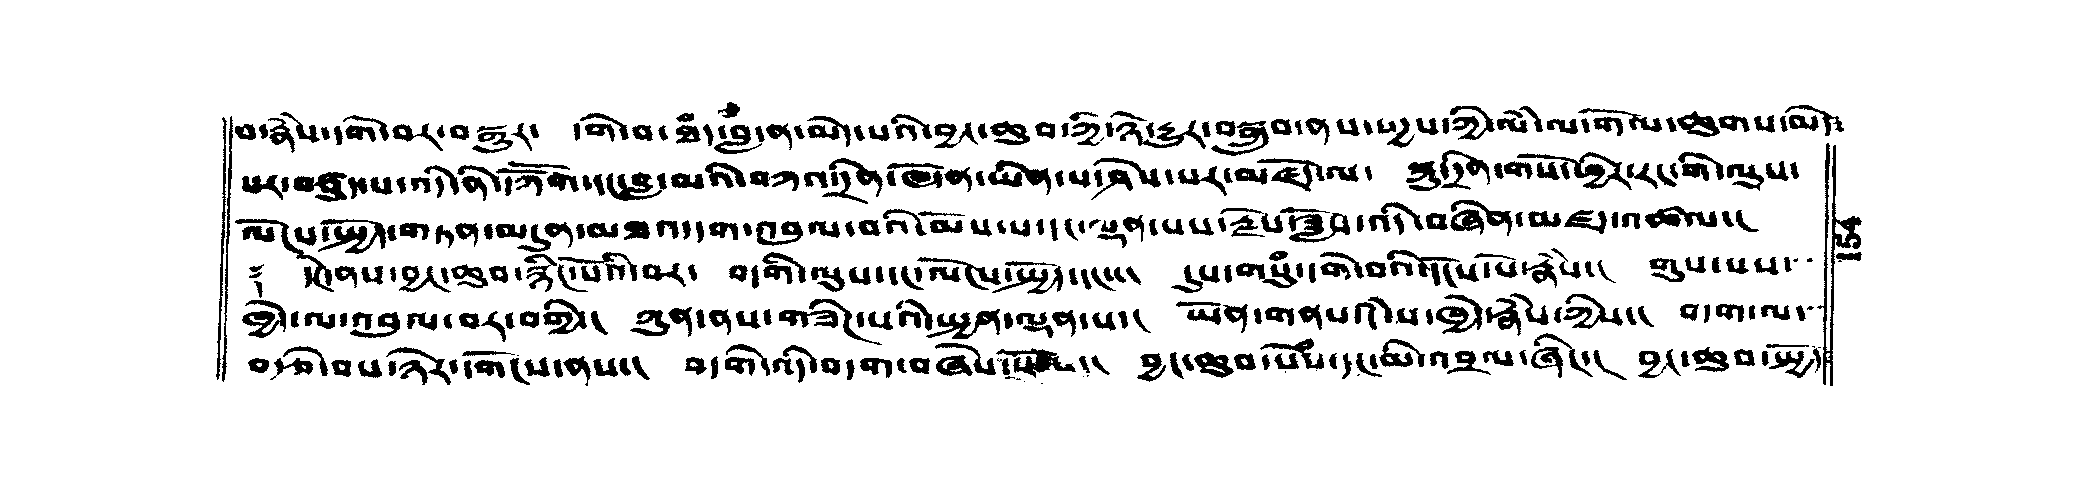བ་རྣམས་དགེ་བར་བསྒྱུར། དགེ་བ་ཐམས་ཅད་བླ་ན་མེད་པའི་བྱང་ཆུབ་ཀྱི་ཉེ་རྒྱུད་བསྒྲུབ་ནས་སངས་རྒྱས་ཀྱི་ལམ་ལ་གོལ་ཆུགས་མེད་
པར་བཙུད་པ་འདི་ནི་དཀོན་མཆོག་དང་བླ་མའི་བཀའ་དྲིན་ཁོ་ན་ཡིན་པ་ཤེས་པར་མཛོད་ལ། སྐུ་སྲིན་གསོ་ཕྱིར་རང་གི་ལུས་
ལོངས་སྤྱོད་གཏན་མདུན་མཐའ་དག་འབུལ་བའི་མོས་པ་དང་ལྡན་པས་རྗེས་ཟློས་འདི་བཞིན་མཛད་འཚལ། 
༈ དེང་ནས་བྱང་ཆུབ་སྙིང་པོའི་བར་བདག་གི་ལུས་དང་ལོངས་སྤྱོད་དང་། དུས་གུསམ་དགེ་བའི་དངོས་པོ་རྣམས། གུས་པས་
ཁྱེད་ལ་འབུལ་བར་བགྱི། ཀུན་ནས་གཟིགས་པའི་སྤྱན་ལྡན་པ།ཡོན་གནས་ངམ་པ་ཁྱེད་རྣམས་ཀྱིས། བདག་ལ་
བརྩེ་བས་ཉེར་དགོངས་ནས། བདག་གི་འདི་བདག་བཞེས་སུ་གསོལ། བྱང་ཆུབ་སེམས་དང་མི་འབྲལ་ཞིང་། བྱང་ཆུབ་སྤྱོད་